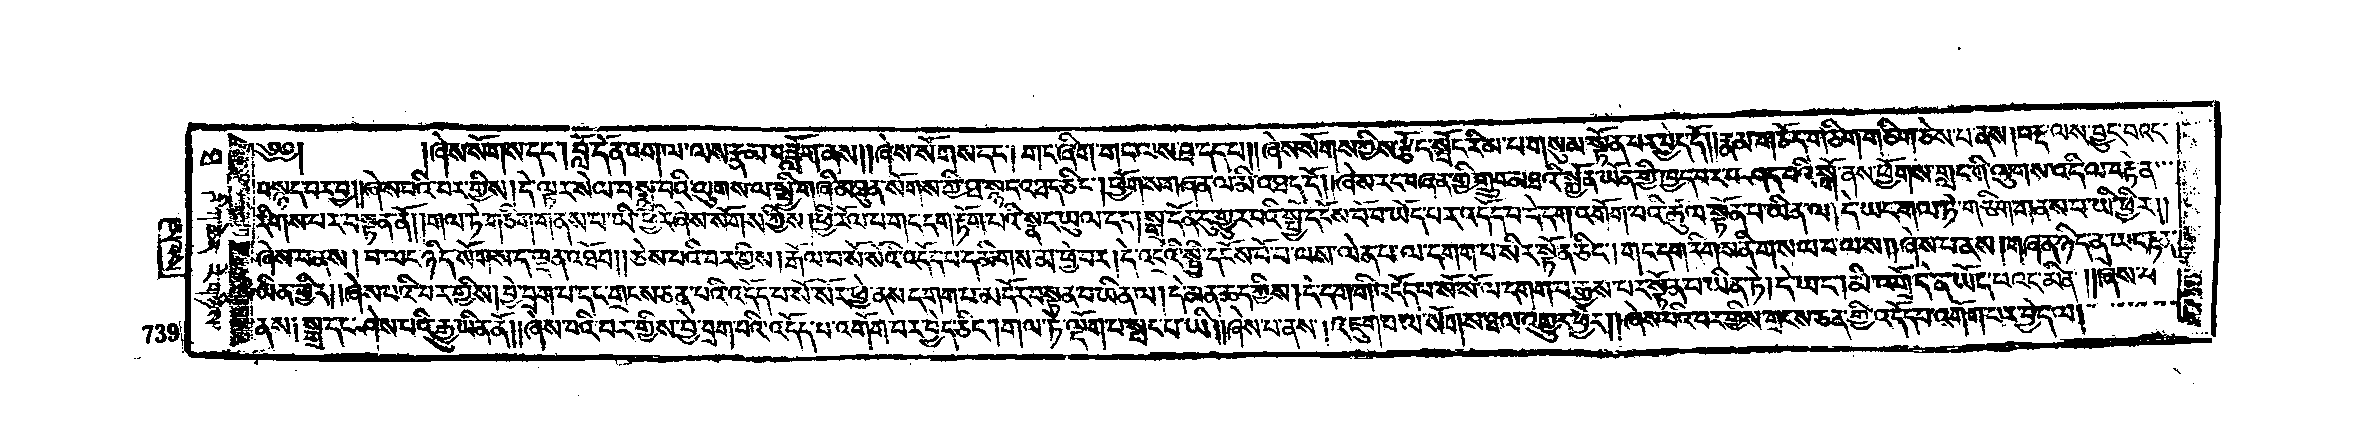༄༅། །ཞེས་སོགས་དང་། བློ་དོན་འགལ་ལས་རྣམ་བཟློག་ནས། །ཞེས་སོགས་དང་། གང་ཞིག་གང་ལས་ཐ་དད་པ། །ཞེས་སོགས་ཀྱིས་རྩོད་སྤོང་རིམ་པ་གསུམ་སྟོན་པར་བྱེད་དོ། །རྣམ་གཅོད་གཅིག་གཅིག་ཅེས་པ་ནས། བརྡ་ལས་བྱུང་བའང་
བསྙད་པར་བྱ། །ཞེས་པའི་བར་གྱིས། དེ་ལྟར་སེལ་བ་སྨྲ་བའི་ལུགས་ལ་སྤྱི་གཞི་མཐུན་སོགས་ཀྱི་ཐ་སྙད་འཐད་ཅིང་། ཕྱོགས་གཞན་ལ་མི་འཐད་དོ། །ཞེས་རང་བཞིན་གྱི་གྲུབ་མཐའི་སྐྱོན་ཡོན་གྱི་ཁྱད་པར་བཤད་པའི་སྒོ་ནས་ཕྱོགས་གླང་གི་ལུགས་འདི་ལ་བརྟེན་
རིགས་པར་བསྟན་ནོ། །གལ་ཏེ་གཅིག་གནས་པ་ཡི་ཕྱིར་ཞེས་སོགས་ཀྱིས། ཕྱི་རོལ་པ་གང་དག་རྟོག་པའི་སྣང་ཡུལ་དང་། སྒྲ་དོན་དུ་གྱུར་བའི་སྤྱི་དངོས་པོ་བ་ཡོད་པར་འདོད་པ་དེ་དག་འགོག་པའི་ཚུལ་སྟོན་པ་ཡིན་ལ། དེ་ཡང་གལ་ཏེ་གཅིག་གནས་པ་ཡི་ཕྱིར།།
ཞེས་པ་ནས། བ་ལང་ཉིད་སོགས་དེ་ལྡན་འཐོབ། །ཅེས་པའི་བར་གྱིས། རྒོལ་བ་སོ་སོའི་འདོད་པ་དམིགས་མ་ཕྱེ་བར། དེ་འདྲའི་སྤྱི་དངོས་པོ་པ་ལས་ལེན་པ་ལ་དགག་པ་སིར་སྟོན་ཅིང་། གང་དག་རིགས་ནི་གསལ་བ་ལས། །ཞེས་པ་ནས། གཞན་ཉིད་ན་ཡང་རྟན་
ཡིན་ཕྱིར། །ཞེས་པའི་བར་གྱིས། བྱེ་བྲག་པ་དང་གྲངས་ཅན་པའི་འདོད་པ་སོ་སོར་ཕྱེ་ནས་དགག་པ་མདོར་བསྟན་པ་ཡིན་ལ། དེ་མན་ཆད་ཀྱིས། དེ་དག་གི་འདོད་པ་སོ་སོ་ལ་དགག་པ་རྒྱས་པར་སྟོན་པ་ཡིན་ཏེ། དེ་ཡང་། མི་འགྲོ་དེ་ན་ཡོད་པའང་མིན། །ཞེས་པ་
ནས༑ སྒྲ་དང་ཤེས་པའི་རྒྱུ་ཡིན་ནོ། །ཞེས་པའི་བར་གྱིས་བྱེ་བྲག་པའི་འདོད་པ་འགོག་པར་བྱེད་ཅིང་། གལ་ཏེ་ལྡོག་པ་སྤང་བ་ཡི། །ཞེས་པ་ནས། འཇུག་པ་ལ་སོགས་ཐལ་འགྱུར་ཕྱིར། །ཞེས་པའི་བར་གྱིས་གྲངས་ཅན་གྱི་འདོད་པ་འགོག་པར་བྱེད་ལ།